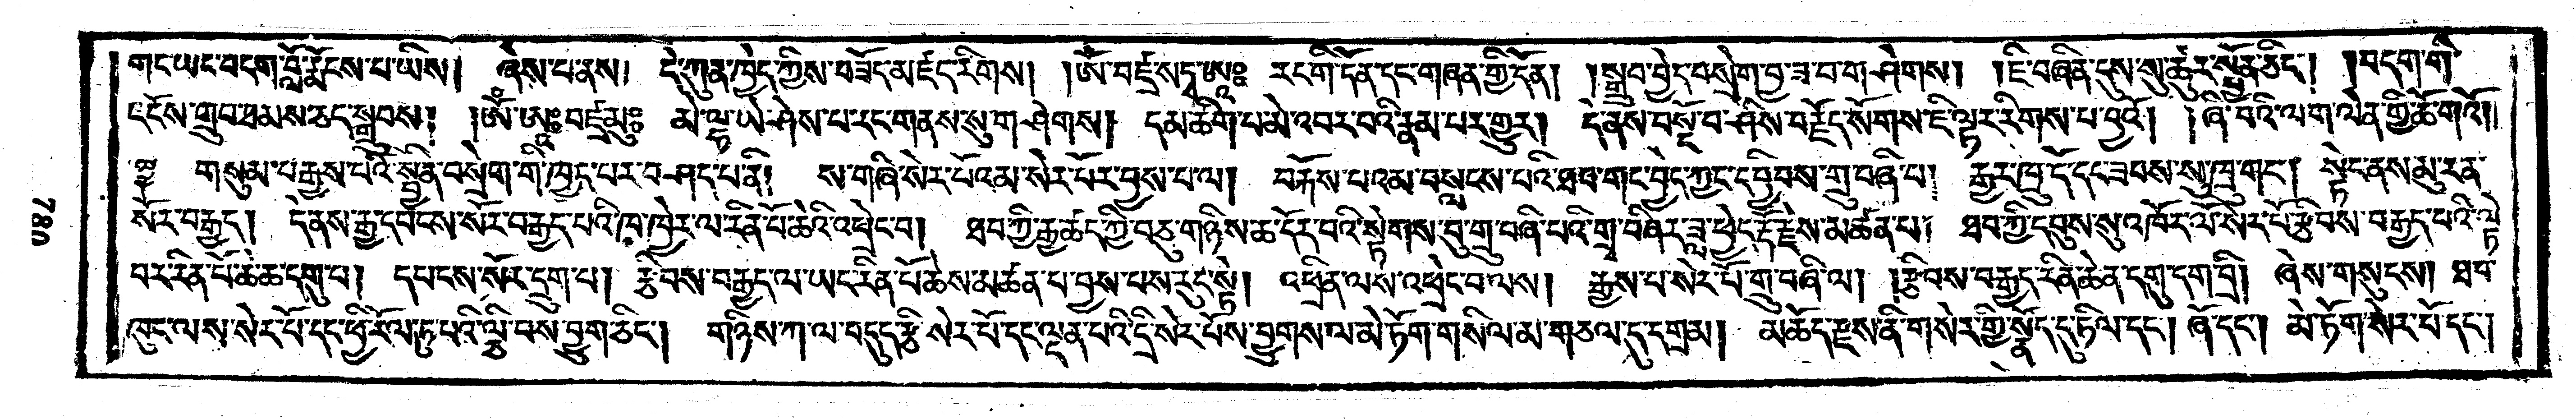གང་ཡང་བདག་བློ་རྨོངས་པ་ཡིས། ཞེས་པ་ནས། དེ་ཀུན་ཁྱེད་ཀྱིས་བཟོད་མཛད་རིགས། །ཨོཾ་བཛྲ་སཏྭ་ཨཱཿ རང་གི་དོན་དང་གཞན་གྱི་དོན། །སྒྲུབ་བྱེད་བསྲེག་བྱ་ཟ་བ་གཤེགས། །ཇི་བཞིན་དུས་སུ་ཚུར་སྤྱོན་ཅིང་། །བདག་གི་
དངོས་གྲུབ་ཐམས་ཅད་སྒྲུབས། །ཨོཾ་ཨཱཿབཛྲ་མུཿ མེ་ལྷ་ཡེ་ཤེས་པ་རང་གནས་སུ་གཤེགས། དམ་ཚིག་པ་མེ་འབར་བའི་རྣམ་པར་གྱུར། དེ་ནས་བསྔོ་བ་ཤིས་བརྗོད་སོགས་ཇི་ལྟར་རིགས་པ་བྱའོ། །ཞི་བའི་ལག་ལེན་གྱི་ཆོ་གའོ།།
༈ གསུམ་པ་རྒྱས་པའི་སྦྱིན་བསྲེག་གི་ཁྱད་པར་བཤད་པ་ནི། ས་གཞི་སེར་པོའམ་སེར་པོར་བྱས་པ་ལ། བརྐོས་པའམ་བསླངས་པའི་ཐབ་གང་བྱེད་ཀྱང་དབྱིབས་གྲུ་བཞི་པ། རྒྱར་ཁྲུ་དོ་དང་ཟབས་སུ་ཁྲུ་གང་། སྟེང་ནས་མུ་རང་
སོར་བརྒྱད། དེ་ནས་རྒྱ་དཔངས་སོར་བརྒྱད་པའི་ཁ་ཁྱེར་ལ་རིན་པོ་ཆེའི་འཕྲེང་བ། ཐབ་ཀྱི་རྒྱ་ཚད་ཀྱི་བཅུ་གཉིས་ཆ་དོར་བའི་སྟེགས་བུ་གྲུ་བཞི་པའི་གྲྭ་བཞིར་ཟླ་ཕྱེད་རྡོ་རྗེས་མཚན་པ། ཐབ་ཀྱི་དབུས་སུ་འཁོར་ལོ་སེར་པོ་རྩིབས་བརྒྱད་པའི་ལྟེ་
བར་རིན་པོ་ཆེ་ཆ་དགུ་པ། དཔངས་སོར་དྲུག་པ། རྩིབས་བརྒྱད་ལ་ཡང་རིན་པོ་ཆེས་མཚན་པ་བྱས་པས་རུང་སྟེ། འཕྲིན་ལས་འཕྲེང་བ་ལས། རྒྱས་པ་སེར་པོ་གྲུ་བཞི་ལ། །རྩིབས་བརྒྱད་རིན་ཆེན་དགུ་དག་བྲི། ཞེས་གསུངས། ཐབ་
ཁུང་ལས་སེར་པོ་དང་ཕྱི་རོལ་ཏུ་པའི་ལྕི་བས་བྱུག་ཅིང་། གཉིས་ཀ་ལ་བདུད་རྩི་སེར་པོ་དང་ལྡན་པའི་དྲི་སེར་པོས་བྱུགས་ལ་མེ་ཏོག་གསིལ་མ་གཅལ་དུ་དགྲམ། མཆོད་རྫས་ནི་གསེར་གྱི་སྣོད་དུ་ཏིལ་དང་། ཞོ་དང་། མེ་ཏོག་སེར་པོ་དང་